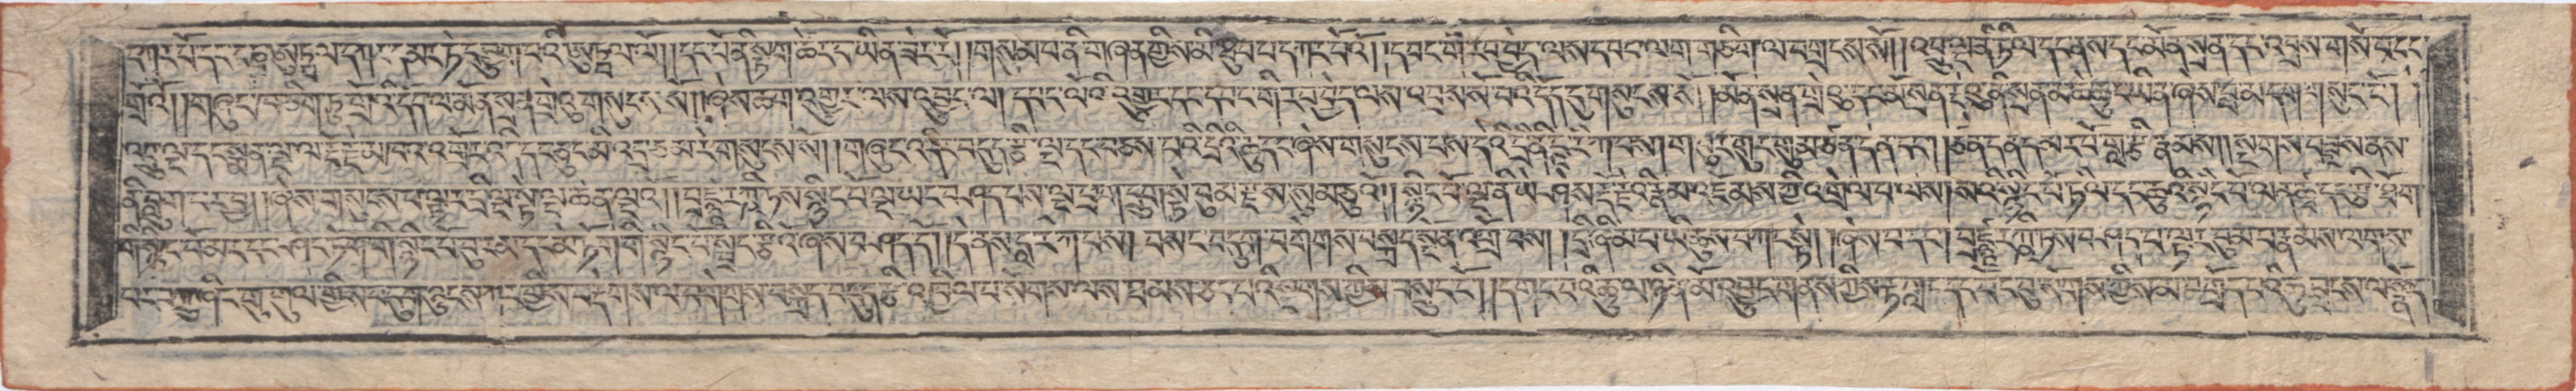དཀར་པོ་དང་དཎྜ་ཨུཏྤལ་དཀར་དམར་ཏེ་དབྱུག་པའི་ཨུཏྤལ་ལོ། །དང་པོ་ནི་སྟག་ཚེར་བ་ཡིན་ཟེར་རོ། །གསུམ་པ་ནི་གཞན་གྱིས་མི་ཐུབ་པ་དཀར་པོའོ། །དབང་གི་རབ་བྱེད་ལས་དབང་ལག་གཅིག་ལ་བགྲངས་སོ། །འབྲུ་ལྔ་ནི་ཏིལ་དང་ནས་དང་མོན་སྲན་དང་འབྲས་གསོ་བ་དང་
གྲོའོ། །གཞུང་ཁ་ཅིག་ཏུ་གྲོའི་དོད་ལ་མོན་སྲན་གྲེའུ་གསུངས་སོ། །ཞེས་ཆག་འགྱུར་ལས་འབྱུང་ལ། དཔང་ལོའི་འགྱུར་དང་དབང་གི་རབ་བྱེད་ལས་འབྲས་སོ་བའི་དོད་དུ་གསུངས་སོ། །མོན་སྲན་གྲེའུ་དང་མོ་སྲན་རྡེའུ་ནི་སྲན་མ་ཆེ་ཆུང་ཡིན་ཞེས་བླ་མ་དག་གསུང་ངོ། །
འབྲུ་ལྔ་དང་སྨན་ལྔ་ལ་རྡོ་རྗེ་མཁའ་འགྲོར་འདི་དང་ཅུང་མི་འདྲ་ཙམ་རེ་གསུངས་སོ། །གཞུང་འདིར་བདུད་རྩི་ལྔ་དང་བཅས་པའི་དྲིའི་ཆུ་དང་ཞེས་གསུངས་པས་དེའི་དྲི་ནི་དཱ་རི་ཀ་པས། ག་བུར་གུར་གུམ་ཙན་དན་དང་། །ཙན་དན་དམར་པོ་གླ་རྩི་རྣམས། །སྔགས་བཟླས་ནས་
ནི་བླུག་པར་བྱ། །ཞེས་གསུངས་པ་ལྟར་དྲི་ལྔ་སྟེ་ལྔ་ཆེན་ལྔའོ། །པྲཛྙཱ་རཀྵི་ཏས་སྙིང་པོ་ལྔ་ཡང་བཤད་པས་ལྔ་ཕྲག་དྲུག་སྟེ་བུམ་རྫས་སུམ་ཅུའོ། །སྙིང་པོ་ལྔ་ནི་ཡེ་ཤེས་རྡོ་རྗེའི་རྣམ་འཇོམས་ཀྱི་འགྲེལ་པ་ལས། སའི་སྙིང་པོ་ཏིལ་དང་ཆུའི་སྙིང་པོ་ལན་ཚྭ་དང་རྩི་ཐོག་
གི་སྙིང་པོ་མར་དང་ཤིང་ཏོག་གི་སྙིང་པོ་བུ་རམ་དང་མེ་ཏོག་གི་སྙིང་པོ་སྦྲང་རྩིའོ་ཞེས་བཤད་དོ། །དེ་ནས་དཱ་རི་ཀ་པས། བསང་བདུག་བགེགས་བསྐྲད་སྔོན་འགྲོ་བས། །དྲི་ཞིམ་པ་ཡི་ཆུས་བཀང་སྟེ། །ཞེས་པ་དང་། པྲཛྙཱ་རཀྵི་ཏས་བཤད་པ་ལྟར་བུམ་པ་རྣམས་ལེགས་
པར་བཀྲུ་ཞིང་གུ་གུལ་གྱིས་བདུག་ཉུངས་ཀར་གྱིས་བརྡེགས་ལ་བགེགས་བསྐྲད་བདུད་རྩི་འཁྱིལ་པ་སོགས་ལས་ཐམས་ཅད་པའི་སྔགས་ཀྱིས་བསྲུང་ངོ། །དགང་བའི་ཆུ་ལ་ཉིན་མོ་འབྱུང་གནས་ཀྱིས་རྟ་གླང་དང་བོང་བུ་སོགས་ཀྱིས་མ་བགྲོད་པའི་ཆུ་བླངས་ལ་སྣོད་